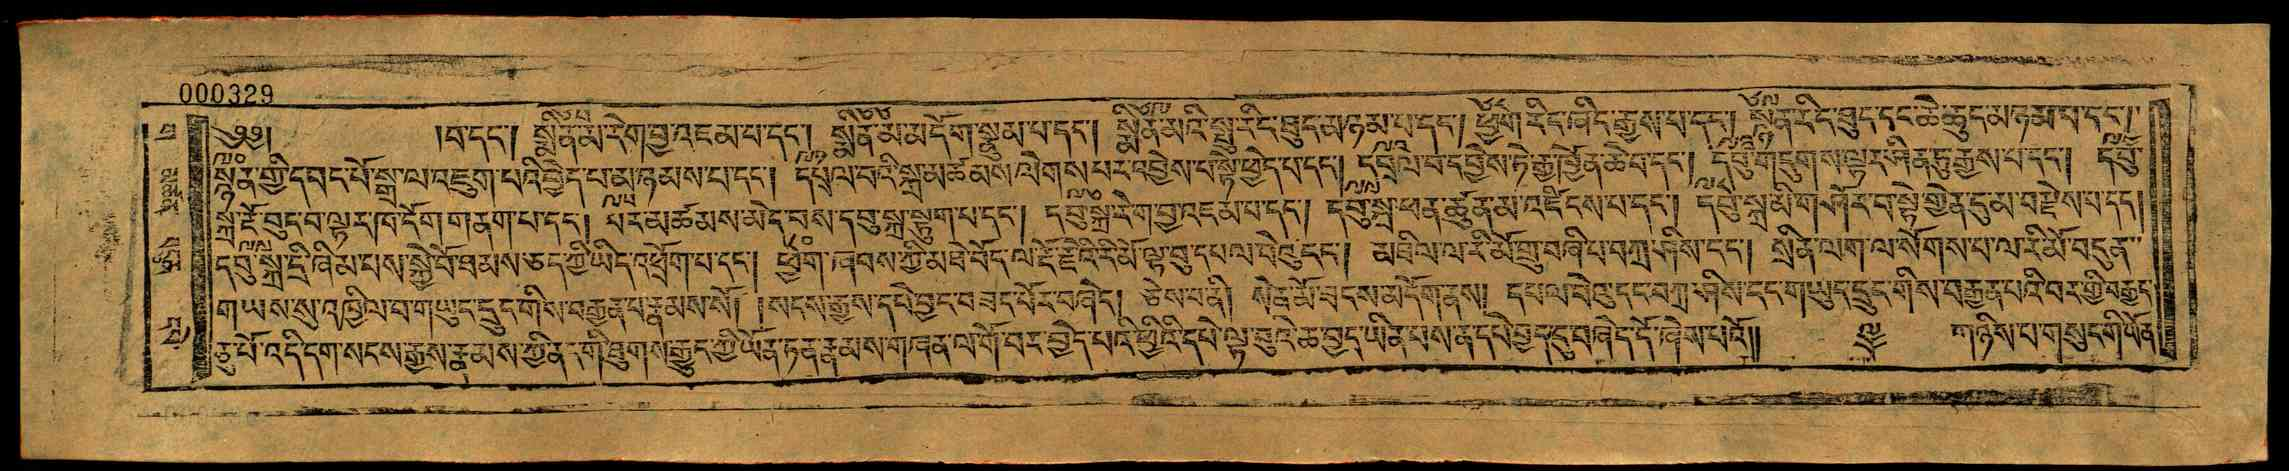༄༅། །བ་དང་། སྨིན ༦༥་མ་རེག་བྱ་འཇམ་པ་དང་། སྨིན ༦༦་མ་མདོག་སྣམ་པ་དང་། སྨིན ༦༧་མའི་སྤུ་རིང་ཐུང་མཉམ་པ་དང་། ༦༨་ཕྱག་རིང་ཞིང་རྒྱས་པ་དང་། ༦༩་སྙན་རིང་ཐུང་དང་ཆེ་ཆུང་མཉམ་པ་དང་།
༧༠་སྙན་གྱི་དབང་པོ་སྒྲ་ལ་འཇུག་པའི་བྱེད་པ་མ་ཉམས་པ་དང་། ༧༡་དཔྲལ་བའི་སྐྲ་མཚམས་ལེགས་པར་འབྱེས་པ་སྟེ་ཕྱེད་པ་དང་། ༧༢་དཔྲལ་བར་བྱས་ཏེ་རྒྱ་ཁྱོན་ཆེ་བ་དང་། ༧༣་དབུ་གདུགས་ལྟར་ཤིན་ཏུ་རྒྱས་པ་དང་། ༧༤་དབུ་
སྐྲ་རྡོ་བུང་བ་ལྟར་ཁ་དོག་གནག་པ་དང་། ༧༥་བར་མཚམས་མེད་པས་དབུ་སྐྲ་སྟུག་པ་དང་། ༧༦་དབུ་སྐྲ་རེག་བྱ་འཇམ་པ་དང་། ༧༧་དབུ་སྐྲ་ཕན་ཚུན་མ་འཛིངས་པ་དང་། ༧༨་དབུ་སྐྲ་མི་གཤོར་བ་སྟེ་གྱེན་དུ་མ་བརྗེས་པ་དང་།
༧༩་དབུ་སྐྲ་དྲི་ཞིམ་པས་སྐྱེ་བོ་ཐམས་ཅད་ཀྱི་ཡིད་འཕྲོག་པ་དང་། ༨༠་ཕྱག་ཞབས་ཀྱི་མཐེ་བོང་ལ་རྡོ་རྗེའི་རི་མོ་ལྟ་བུ་དཔལ་བེའུ་དང་། མཐིལ་ལ་རི་མོ་གྲུ་བཞི་པ་བཀྲ་ཤིས་དང་། སྲིན་ལག་ལ་སོགས་པ་ལ་རི་མོ་བདུན་
གཡས་སུ་འཁྱིལ་བ་གཡུང་དྲུང་གིས་བརྒྱན་པ་རྣམས་སོ། །སངས་རྒྱས་དཔེ་བྱད་བཟང་པོར་བཞེད། ཅེས་པ་ནི། སེན་མོ་ཟངས་མདོག་ནས། དཔལ་བེའུ་དང་བཀྲ་ཤིས་དང་གཡུང་དྲུང་གིས་བརྒྱན་པའི་བར་གྱི་བརྒྱད་
ཅུ་པོ་འདི་དག་སངས་རྒྱས་རྣམས་ཀྱི་ནང་གི་ཐུགས་རྒྱུད་ཀྱི་ཡོན་ཏན་རྣམས་གཞན་ལ་གོ་བར་བྱེད་པའི་ཕྱིའི་དཔེ་ལྟ་བུའི་ཆ་བྱད་ཡིན་པས་ན་དཔེ་བྱད་དུ་བཞེད་དོ་ཞེས་པའོ།། ༈ གཉིས་པ་གསུང་གི་ཡོན་